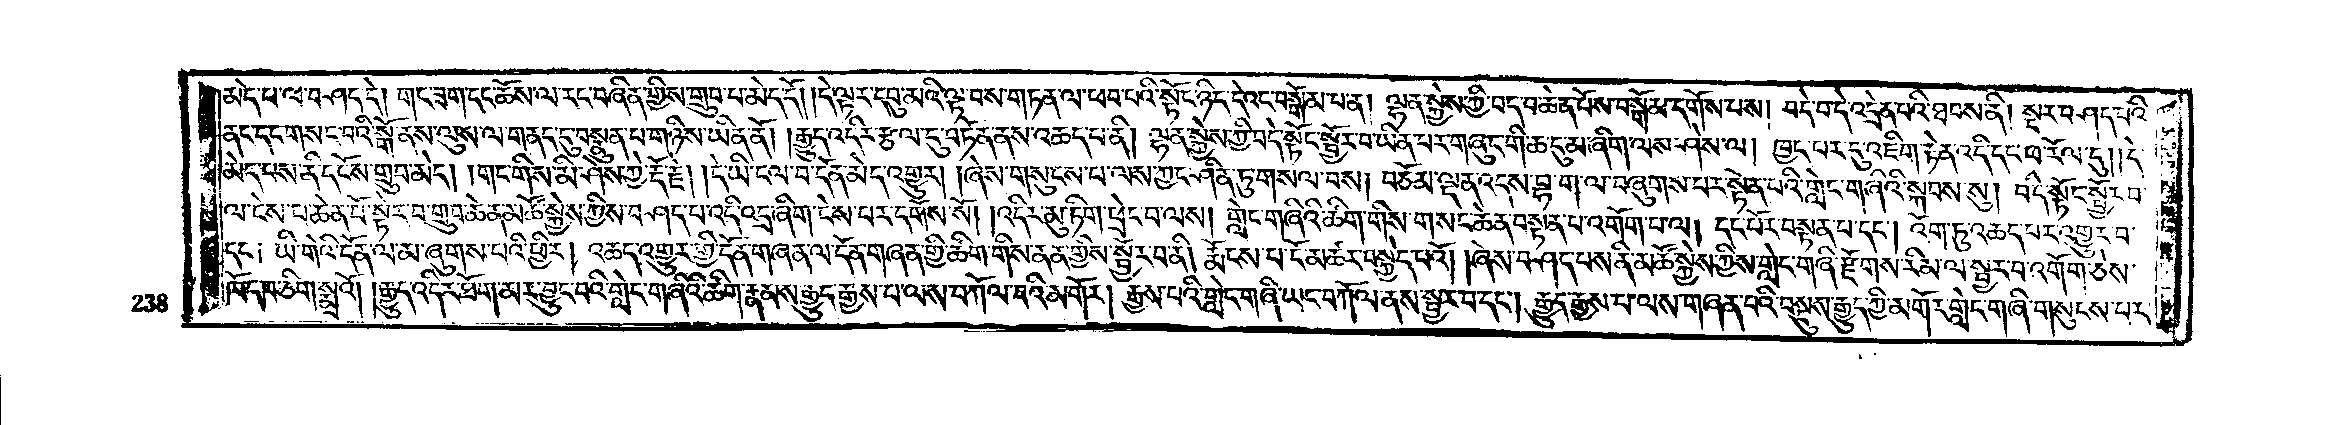མེད་པ་ལ་བཤད་དེ། གང་ཟག་དང་ཆོས་ལ་རང་བཞིན་གྱིས་གྲུབ་པ་མེད་དོ། །དེ་ལྟར་དབུ་མའི་ལྟ་བས་གཏན་ལ་ཕབ་པའི་སྟོང་ཉིད་དེའང་བསྒོམ་པ་ན། ལྷན་སྐྱེས་ཀྱི་བདེ་བ་ཆེན་པོས་བསྒོམ་དགོས་པས། བདེ་བ་དེ་འདྲེན་པའི་ཐབས་ནི། སྔར་བཤད་པའི་
ནང་དང་གསང་བའི་སྒོ་ནས་ལུས་ལ་གནད་དུ་བསྣུན་པ་གཉིས་ཡིན་ནོ། །རྒྱུད་འདིར་རྩལ་དུ་བཏོན་ནས་འཆད་པ་ནི། ལྷན་སྐྱེས་ཀྱི་བདེ་སྟོང་སྦྱོར་བ་ཡིན་པར་གཞུང་གི་ཆ་དུ་མ་ཞིག་ལས་ཤེས་ལ། ཁྱད་པར་དུ་འཇིག་རྟེན་འདི་དང་ཕ་རོལ་དུ། །དེ་
མེད་པས་ནི་དངོས་གྲུབ་མེད། །གང་གིས་མི་ཤེས་ཀྱེ་རྡོ་རྗེ། །དེ་ཡི་ངལ་བ་དོན་མེད་འགྱུར། །ཞེས་གསུངས་པ་ལས་ཀྱང་ཤིན་ཏུ་གསལ་བས། བཅོམ་ལྡན་འདས་བྷ་ག་ལ་བཞུགས་པར་སྟོན་པའི་གླེང་གཞིའི་སྐབས་སུ། བདེ་སྟོང་སྦྱོར་བ་
ལ་ངེས་པ་ཆེན་པོ་སྟེར་བ་གྲུབ་ཆེན་མཚོ་སྐྱེས་ཀྱིས་བཤད་པ་འདི་འདྲ་ཞིག་ངེས་པར་དགོས་སོ། །འདིར་མུ་ཏིག་ཕྲེང་བ་ལས། གླེང་གཞིའི་ཚིག་གིས་གསང་ཆེན་བསྟན་པ་འགོག་པ་ལ། དང་པོར་བསྟན་པ་དང་། འོག་ཏུ་འཆད་པར་འགྱུར་བ་
དང་། ཡི་གེའི་དོན་ལ་མ་ཞུགས་པའི་ཕྱིར། འཆད་འགྱུར་གྱི་དོན་གཞན་ལ་དོན་གཞན་གྱི་ཚིག་གིས་ནན་གྱིས་སྦྱོར་བ་ནི། རྨོངས་པ་ངོ་མཚར་བསྐྱེད་པའོ། །ཞེས་བཤད་པས་ནི་མཚོ་སྐྱེས་ཀྱིས་གླེང་གཞི་རྫོགས་རིམ་ལ་སྦྱར་བ་འགོག་ཅེས་
ཁོད་ཁ་ཅིག་སྨྲའོ། །རྒྱུད་འདིར་ཐོག་མར་བྱུང་བའི་གླེང་གཞིའི་ཚིག་རྣམས་རྒྱུད་རྒྱས་པ་ལས་བཀོལ་བའི་མགོར། རྒྱས་པའི་གླེང་གཞི་ཡང་བཀོལ་ནས་སྦྱར་བ་དང་། རྒྱུད་རྒྱས་པ་ལས་གཞན་པའི་བསྡུས་རྒྱུད་ཀྱི་མགོར་གླེང་གཞི་གསུངས་པར་